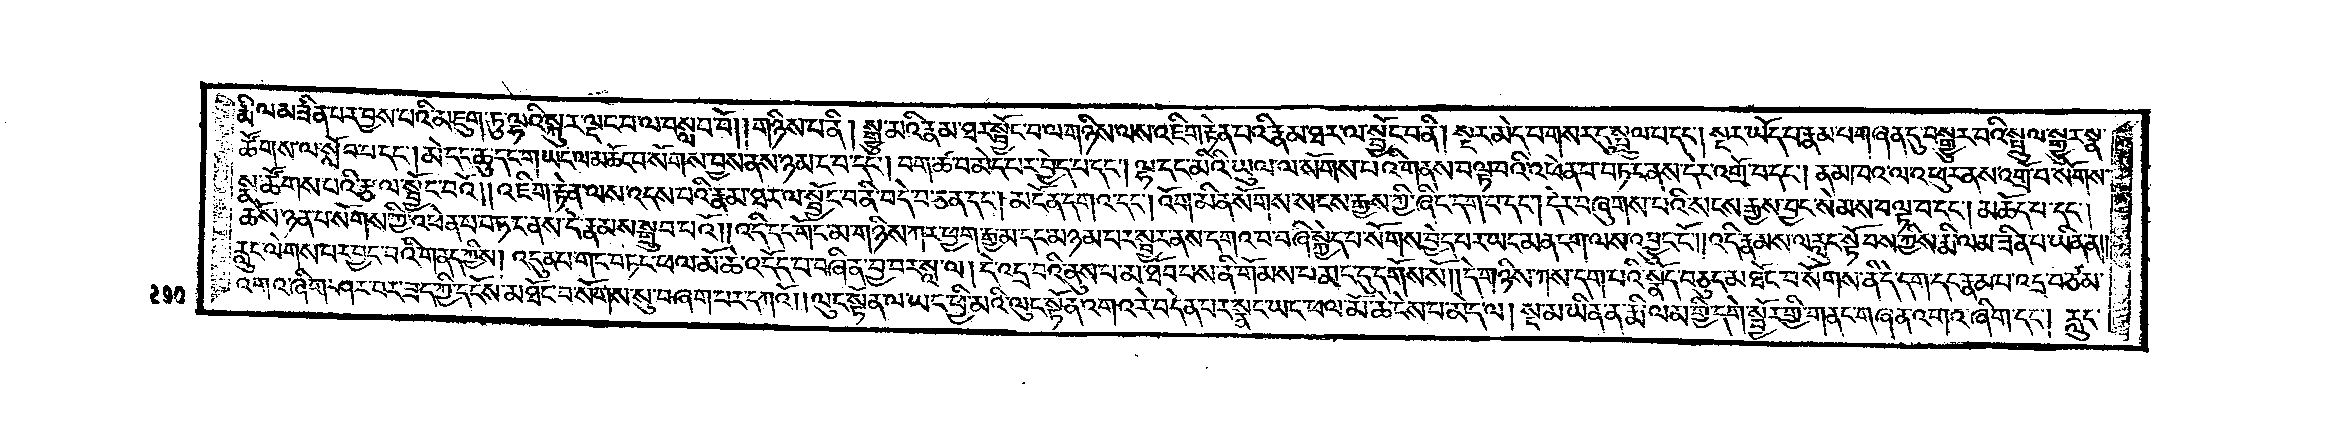རྨི་ལམ་ཟིན་པར་བྱས་པའི་མཇུག་ཏུ་ལྷའི་སྐུར་ལྡང་བ་ལ་བསླབ་བོ། །གཉིས་པ་ནི། སྒྱུ་མའི་རྣམ་ཐར་སྦྱོང་བ་ལ་གཉིས་ལས་འཇིག་རྟེན་པའི་རྣམ་ཐར་ལ་སྦྱོང་བ་ནི། སྔར་མེད་པ་གསར་དུ་སྤྲུལ་པ་དང་། སྔར་ཡོད་པ་རྣམ་པ་གཞན་དུ་བསྒྱུར་བའི་སྤྲུལ་སྒྱུར་སྣ་
ཚོགས་ལ་སློབ་པ་དང་། མེ་དང་ཆུ་དང་གཡང་ལ་མཆོང་བ་སོགས་བྱས་ནས་ཉམ་ང་བ་དང་། བག་ཚབ་མེད་པར་བྱེད་པ་དང་། ལྷ་དང་མིའི་ཡུལ་ལ་སོགས་པའི་གནས་བལྟ་བའི་འཕེན་པ་བཏང་ནས་དེར་འགྲོ་བ་དང་། ནམ་མཁའ་ལ་འཕུར་ནས་འགྲོ་བ་སོགས་
སྣ་ཚོགས་པའི་རྩལ་སྦྱོང་བའོ། །འཇིག་རྟེན་ལས་འདས་པའི་རྣམ་ཐར་ལ་སྦྱོང་བ་ནི་བདེ་བ་ཅན་དང་། མངོན་དགའ་དང་། འོག་མིན་སོགས་སངས་རྒྱས་ཀྱི་ཞིང་དག་པ་དང་། དེར་བཞུགས་པའི་སངས་རྒྱས་བྱང་སེམས་བལྟ་བ་དང་། མཆོད་པ་དང་།
ཆོས་ཉན་པ་སོགས་ཀྱི་འཕེན་པ་བཏང་ནས་དེ་རྣམས་སྒྲུབ་པའོ། །འདི་དང་གོང་མ་གཉིས་ཀར་ཕྱག་རྒྱ་མ་དང་མཉམ་པར་སྦྱར་ནས་དགའ་བ་བཞི་སྐྱེད་པ་སོགས་བྱེད་པར་ཡང་མན་ངག་ལས་འབྱུང་ངོ། །འདི་རྣམས་ལ་རླུང་སྟོབས་ཀྱིས་རྨི་ལམ་ཟིན་པ་ཡིན་ན། །
རླུང་ལེགས་པར་བྱང་བའི་གནད་ཀྱིས། འདུན་པ་གང་བཏང་ཕལ་མོ་ཆེ་འདོད་པ་བཞིན་བྱ་བར་སླ་ལ། དེ་འདྲ་བའི་ནུས་པ་མ་ཐོབ་པས་ནི་གོམས་པ་མང་དུ་དགོས་སོ། །དེ་གཉིས་ཀས་དག་པའི་སྣོད་བཅུད་མཐོང་བ་སོགས་ནི་དེ་དག་དང་རྣམ་པ་འདྲ་བ་ཙམ་
འགའ་ཞིག་ཤར་བར་ཟད་ཀྱི་དངོས་མཐོང་བ་སོགས་སུ་བཞག་པར་དཀའོ། །ལུང་སྟོན་ལ་ཡང་ཕྱི་མའི་ལུང་སྟོན་འགའ་རེ་བདེན་པར་སྣང་ཡང་ཕལ་མོ་ཆེ་ངེས་པ་མེད་ལ། སྔ་མ་ཡིན་ན་རྨི་ལམ་གྱི་དགེ་སྦྱོར་གྱི་གནད་གཞན་འགའ་ཞིག་དང་། རླུང་